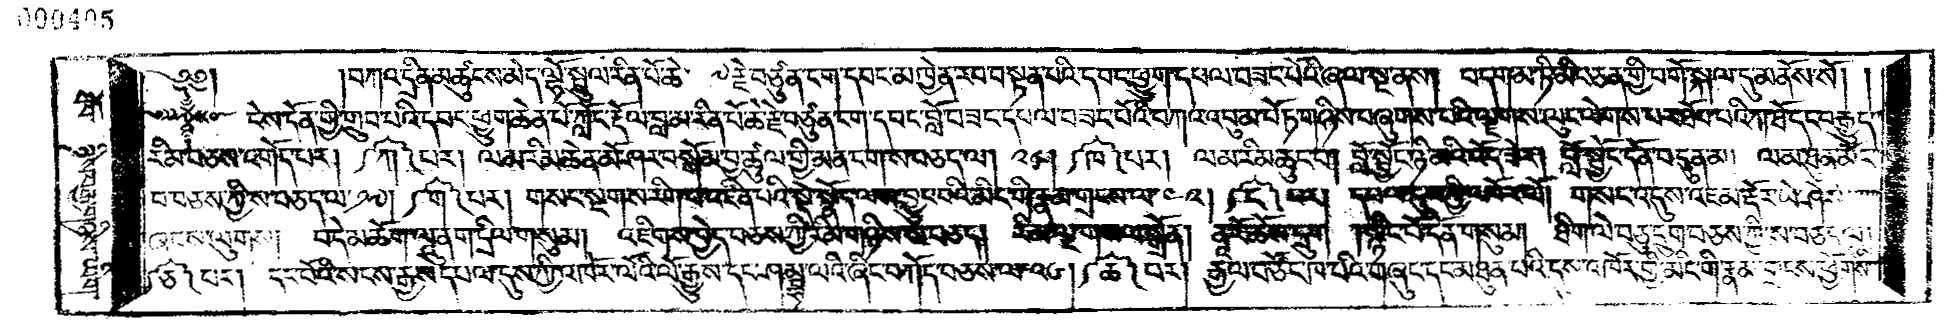༄༅། །བཀའ་དྲིན་མཚུངས་མེད་ལྷོ་སྤྲུལ་རིན་པོ་ཆེ། ༧རྗེ་བཙུན་ངག་དབང་མཁྱེན་རབ་བསྟན་པའི་དབང་ཕྱུག་དཔལ་བཟང་པོའི་ཞལ་སྔ་ནས། བདག་མ་ཏི་མིང་ཅན་གྱི་བགོ་སྐལ་དུ་མནོས་སོ། །
༆་ངེས་དོན་གྱི་གྲུབ་པའི་དབང་ཕྱུག་ཆེན་པོ་ཀློང་རྡོལ་བླ་མ་རིན་པོ་ཆེ་རྗེ་བཙུན་ངག་དབང་བློ་བཟང་དཔལ་བཟང་པོའི་བཀའ་འབུམ་པོ་ཏ་གཉིས་བཞུགས་པའི་ལྗགས་ལུང་ལེགས་པར་ཐོབ་པའི་ཀ་ཐོ་དང་བརྒྱུད་
རིམ་བཅས་འགོད་པར། ༼ཀ༽ པར། ལམ་རིམ་ཆེན་མོ་ཤར་བསྒོམ་བྱ་ཚུལ་གྱི་མན་ངག་ས་བཅས་ལ། ༢༦། ༼ཁ༽ པར། ལམ་རིམ་ཆུང་བ། བློ་སྦྱོང་ཉི་མའི་འོད་ཟེར། བློ་སྦྱོང་དོན་བདུན་མ། ལམ་ཐུན་མོང་
བ་བཅས་ཀྱི་ས་བཅད་ལ༡༧། ༼ག༽ པར། གསང་སྔགས་རིག་པ་འཛིན་པའི་སྡེ་སྣོད་ལས་བྱུང་བའི་མིང་གི་རྣམས་གྲངས་ལ༤༢། ༼ང༽ པར། དཔལ་དུས་ཀྱི་འཁོར་ལོ། གསང་འདུས་འཇམ་རྡོར་ཡེ་ཤེས་
ཞབས་ལུགས། བདེ་མཆོག་ལའུ་ནག་དྲིལ་གསུམ། འཇིགས་བྱེད་བཅས་ཀྱི་རིམ་གཉིས་ས་བཅད། རིམ་ལྔ་གསལ་སྒྲོན། ནཱ་རོ་ཆོས་དྲུག །སྙིང་པོ་དོན་གསུམ། ཐིག་ལེ་བཅུ་དྲུག་བཅས་ཀྱི་ས་བཅད་ལ།
༼ཅ༽ པར། དང་པོའི་སངས་རྒྱས་དཔལ་དུས་ཀྱི་འཁོར་ལོའི་ལོ་རྒྱུས་དང་ཤམྦྷ་ལའི་ཞིང་བཀོད་བཅས་ལ ༢༧། ༼ཆ༽ པར། རྒྱལ་བ་ཙོང་ཁ་པའི་གཞུང་དང་མཐུན་པའི་དུས་འཁོར་གྱི་མིང་གི་རྣམས་གྲངས་ཕྱོགས་